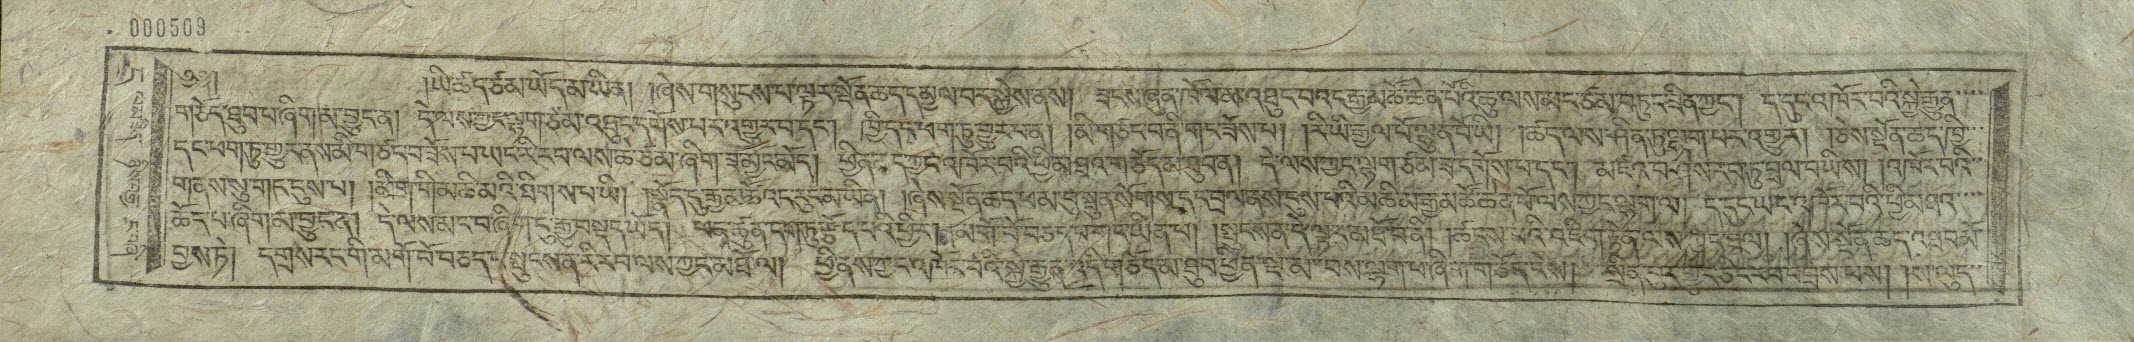༄༅། །ཡི་ཚད་ཙམ་ཡོད་མ་ཡིན། །ཞེས་གསུངས་པ་ལྟར་སྔོན་ཆད་དམྱལ་བར་སྐྱེས་ནས། ཟངས་ཞུན་ཁོལ་མ་འཐུང་བའང་རྒྱ་མཚོ་ཆེན་པོའི་ཆུ་ལས་མང་ཙམ་བཏུང་ཟིན་ཀྱང་། ད་དུང་འཁོར་བའི་སྐྱེ་རྒྱུན་
གཅོད་ཐུབ་པ་ཞིག་མ་བྱུང་ན། དེ་ལས་ཀྱང་ལྷག་ཙམ་འཐུང་དགོས་པར་འགྱུར་བ་དང་། ཁྱི་དང་ཕག་ཏུ་གྱུར་པ་ན། །མི་གཙང་བ་ནི་གང་ཟོས་པ། །རི་ཡི་རྒྱལ་པོ་ལྷུན་པོ་ཡི། །ཚད་ལས་ཤིན་ཏུ་ལྷག་པར་འགྱུར། །ཅེས་སྔོན་ཆད་ཁྱི་
དང་ཕག་ཏུ་གྱུར་ནས་མི་གཙང་བ་ཟོས་པ་ཡང་རི་རབ་ལས་ཆེ་ཙམ་ཞིག་ཟ་མྱོང་མོད། ཕྱིན་ཆད་ཀྱང་འཁོར་བའི་ཕྱི་མཐའ་གཅོད་མ་ཐུབ་ན། དེ་ལས་ཀྱང་ལྷག་ཙམ་ཟ་དགོས་པ་དང་། མཛའ་བཤེས་རབ་ཏུ་བྲལ་བ་ཡིས། །འཁོར་བའི་
གནས་སུ་གང་ངུས་པ། །མིག་གི་མཆི་མའི་ཐིགས་པ་ཡི། །སྣོད་དུ་རྒྱ་མཚོའང་རུང་མ་ཡིན། །ཞེས་སྔོན་ཆད་ཕ་མ་བུ་སྤུན་སོགས་དང་བྲལ་ནས་དུས་པའི་མཆི་མ་རྒྱ་མཚོ་ཆེན་པོ་ལས་ཀྱང་ལྷག་ལ། ད་དུང་ཡང་འཁོར་བའི་ཕྱི་མཐའ་
ཆོད་པ་ཞིག་མ་བྱུང་ན། དེ་ལས་མང་བ་ཞིག་ངུ་?་རྒྱུ་བསྡད་ཡོད། ཕན་ཚུན་དག་ཏུ་རྩོད་པའི་ཕྱིར། །མགོ་བོ་བཅད་པ་གང་ཡིན་པ། །སྤུངས་ན་དེ་ལྟར་མཐོ་བ་ནི། །ཚངས་པའི་འཇིག་རྟེན་ལས་ཀྱང་ཐལ། །ཞེས་སྔོན་ཆད་འཐབ་མོ་
བྱས་ཏེ། དགྲས་རང་གི་མགོ་བོ་བཅད་པ་སྤུངས་ན་རི་རབ་ལས་ཀྱང་མཐོ་ལ། ཕྱི་ནས་ཀྱང་འཁོར་བའི་སྐྱེ་རྒྱུན་འདི་གཅོད་མ་ཐུབ་ཕྱིན་སྔ་མ་བས་ལྷག་པ་ཞིག་གཅོད་ངེས། སྲིན་བུར་གྱུར་ཅིང་རབ་བཀྲེས་པས། །ས་ལུད་